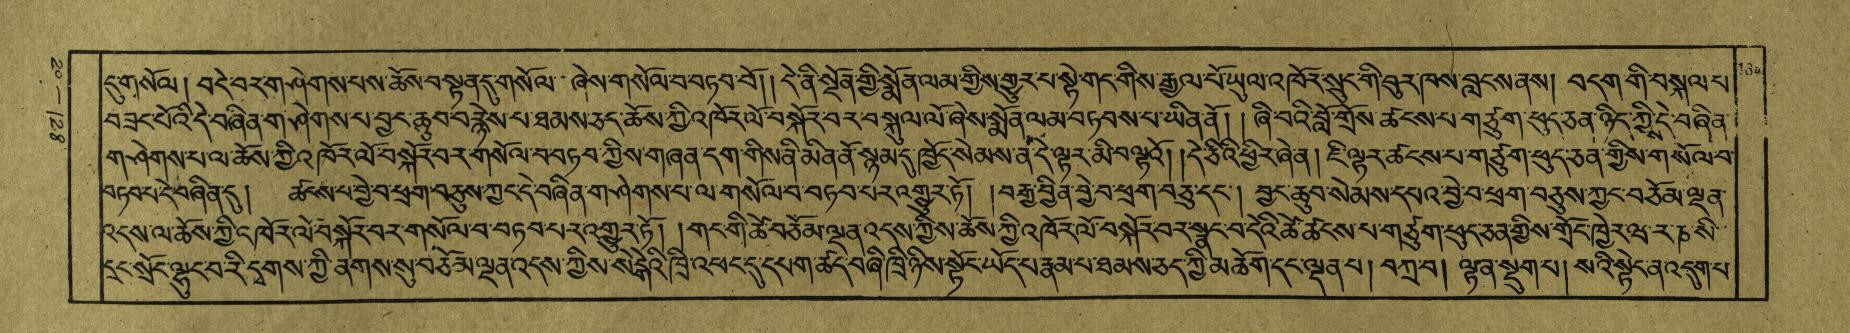དུ་གསོལ། བདེ་བར་གཤེགས་པས་ཆོས་བསྟན་དུ་གསོལ་ཞེས་གསོལ་བ་བཏབ་བོ། །དེ་ནི་སྔོན་གྱི་སྨོན་ལམ་གྱིས་གྱུར་པ་སྟེ་གང་གིས་རྒྱལ་པོ་ཡུལ་འཁོར་སྲུང་གི་བུར་ཁས་བླངས་ནས། བདག་གི་བསྐལ་པ་
བཟང་པོའི་དེ་བཞིན་གཤེགས་པ་བྱང་ཆུབ་བརྙེས་པ་ཐམས་ཅད་ཆོས་ཀྱི་འཁོར་ལོ་བསྐོར་བར་བསྐུལ་ལོ་ཞེས་སྨོན་ལམ་བཏབས་པ་ཡིན་ནོ། །ཞི་བའི་བློ་གྲོས་ཚངས་པ་གཙུག་ཕུད་ཅན་ཉིད་ཀྱིས་དེ་བཞིན་
གཤེགས་པ་ལ་ཆོས་ཀྱི་འཁོར་ལོ་བསྐོར་བར་གསོལ་བ་བཏབ་ཀྱིས་གཞན་དག་གིས་ནི་མིན་ནོ་སྙམ་དུ་ཁྱོད་སེམས་ན་དེ་ལྟར་མི་བལྟའོ། །དེ་ཅིའི་ཕྱིར་ཞེ་ན། ཇི་ལྟར་ཚངས་པ་གཙུག་ཕུད་ཅན་གྱིས་གསོལ་བ་
བཏབ་པ་དེ་བཞིན་དུ། ཚངས་པ་བྱེ་བ་ཕྲག་བཅུས་ཀྱང་དེ་བཞིན་གཤེགས་པ་ལ་གསོལ་བ་བཏབ་པར་འགྱུར་ཏོ། །བརྒྱ་བྱིན་བྱེ་བ་ཕྲག་བཅུ་དང་། བྱང་ཆུབ་སེམས་དཔའ་བྱེ་བ་ཕྲག་བཅུས་ཀྱང་བཅོམ་ལྡན་
འདས་ལ་ཆོས་ཀྱི་འཁོར་ལོ་བསྐོར་བར་གསོལ་བ་བཏབ་པར་འགྱུར་ཏོ། །གང་གི་ཚེ་བཅོམ་ལྡན་འདས་ཀྱིས་ཆོས་ཀྱི་འཁོར་ལོ་བསྐོར་བར་སྣང་བ་དེའི་ཚེ་ཚངས་པ་གཙུག་ཕུད་ཅན་གྱིས་གྲོང་ཁྱེར་ཝ་ར་ཎ་སི་
དྲང་སྲོང་ལྷུང་བ་རི་དྭགས་ཀྱི་ནགས་སུ་བཅོམ་ལྡན་འདས་ཀྱིས་སེངྒེའི་ཁྲི་འཕང་དུ་དཔག་ཚད་བཞི་ཁྲི་ཉིས་སྟོང་ཡོད་པ་རྣམ་པ་ཐམས་ཅད་ཀྱི་མཆོག་དང་ལྡན་པ། བཀྲ་བ། ལྟ་ན་སྡུག་པ། སའི་སྟེང་ན་འདུག་པ་